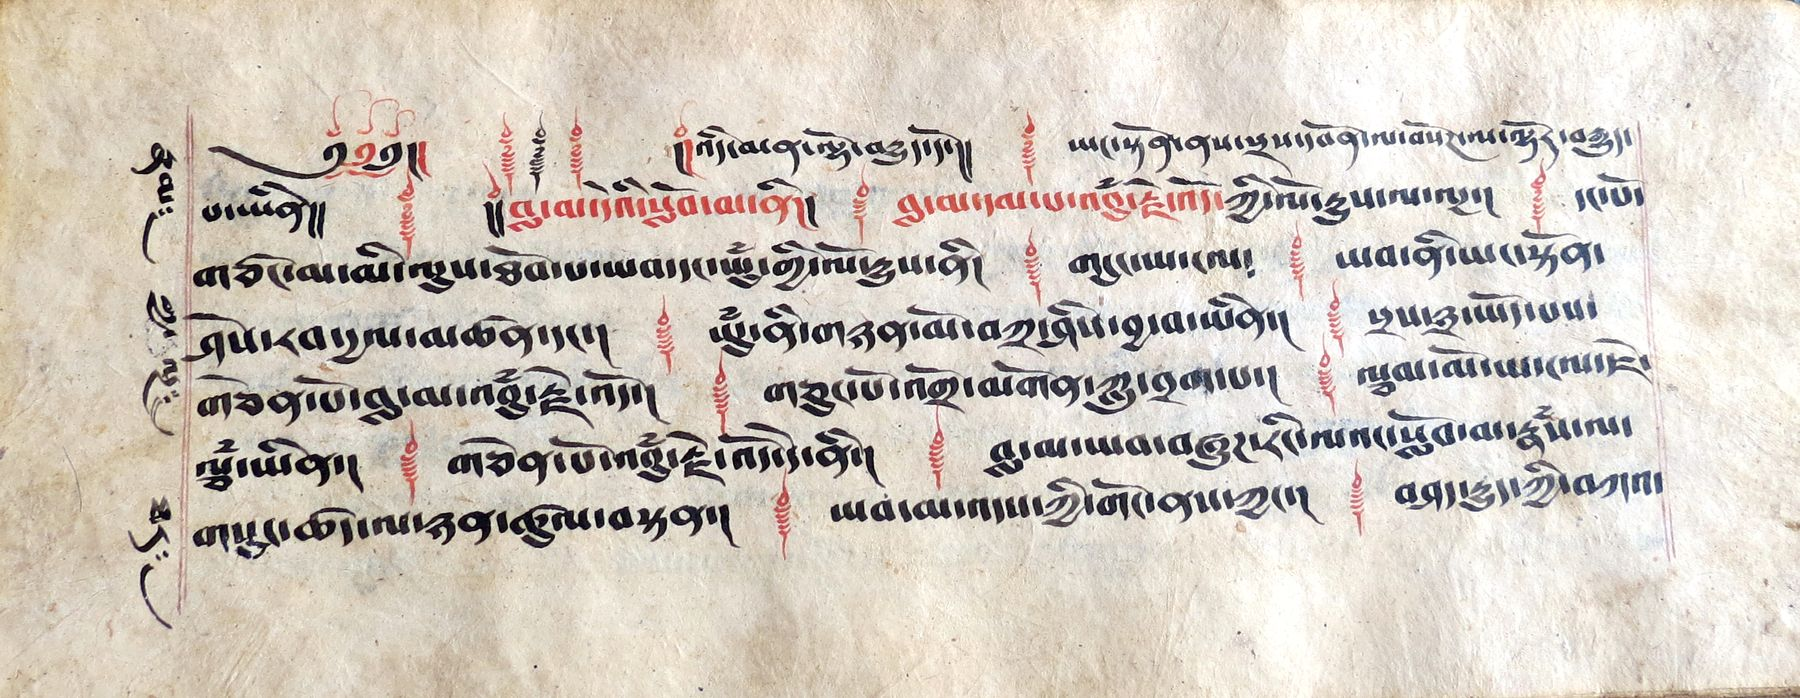བོ། ། འདི་མན་ཆོད་ལྷོ་རྒྱུད་དོ། ། ཡང་སྟོན་ནས་སྲས་དབོན་ལས་སོགས་ལ་ལྷོར་བརྒྱུད་
པ་ཡིན། ། བླ་མ་དེའི་སློབ་མ་ནི། བླ་མ་དམ་པ་འབུམ་རྗེ་འོད་ཀྱི་ལོ་རྒྱུས་ལ་ལྔ། དང་པོ་
གཙང་མ་མི་ལུས་ཐོབ་པ་ཡབ་དང་ཡུམ་གྱི་ལོ་རྒྱུས་ནི། གདུང་རུས་ཡ་ངལ་བ། ཡབ་ཡང་སྟོན་
ཤེས་རབ་རྒྱལ་མཚན་དང་། ཡུམ་གཉན་མོ་བཀྲ་ཤིས་བྱ་བ་ཡིན། སྲས་གསུམ་ཡོད་པའི་
གཅེན་པོ་འབུམ་རྗེ་འོད། གཅུང་པོ་འགྲོ་མགོན་ཀླུ་བྲག་པ། ལྕམ་མོ་ཡ་ངལ་ཇོ་
ལྕམ་ཡིན། གཅེན་པོ་འབུམ་རྗེ་འོད་དེ་ནི། བླ་མ་ཡང་བཞུགས་རིང་ལ་ཡང་སློབ་མ་རྣམས་ལ་
གསུང་ཚད་ལ་ཉན་ཚུལ་བསྟན། ཡབ་མ་འདས་ཀྱི་གོང་ནས་ཀྱང་། བཤད་རྒྱུད་ཀྱི་བཀའ་